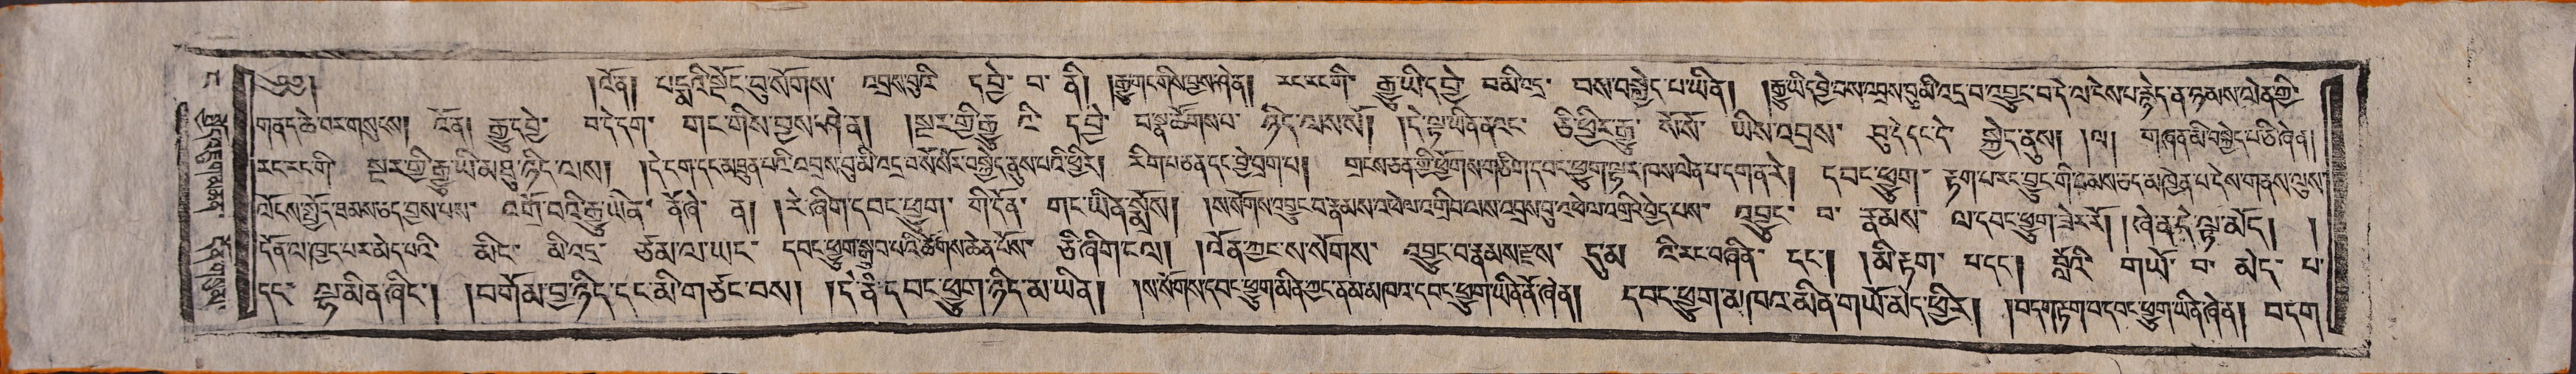༄༅། །འོ་ན།  པདམའི་སྡོང་བུ་སོགས་འབྲས་བུའི་དབྱེ་བ་ནི། རྒྱ་གང་གིས་བྱས་ཤེ་ན། རང་རང་གི་རྒྱུ་ཡི་དབྱེ་བ་མི་འདྲ་བས་བསྐྱེད་པ་ཡིན། །རྒྱུ་ཡི་དབྱེ་བས་འབྲས་བུ་མི་འདྲ་བ་འབྱུང་བ་དེ་ལ་ངེས་པ་རྙེད་ན་ཉམས་ལེན་གྱི་
གནད་ཆེ་བར་གསུངས། འོ་ན། རྒྱུ་དབྱེ་བ་དེ་དག་གང་གིས་བྱས་ཤེ་ན། །སྔར་གྱི་རྒྱུའི་དབྱེ་བ་སྣ་ཚོགས་པ་ཉིད་ལས་སོ། །དེ་ལྟ་ཡིན་ནའང་ཅི་ཕྱིར་རྒྱུ་སོ་སོ་ཡིས་འབྲས་བུ་དེ་དང་དེ་སྐྱེད་ནུས། །ལ། གཞན་མི་བསྐྱེད་པ་ཅེ་ཞེ་ན།
རང་རང་གི་སྔར་གྱི་རྒྱུ་ཡི་མཐུ་ཉིད་ལས། །དེ་དག་དང་མཐུན་པའི་འབྲས་བུ་མི་འདྲ་བ་སོ་སོར་བསྐྱེད་ནུས་པའི་ཕྱིར།  རིག་པ་ཅན་དང་བྱེ་བྲག་པ། གྲངས་ཅན་གྱི་ཕྱོགས་གཅིག་དབང་ཕྱུག་ལྟར་ཁས་ལེན་པ་དག་ན་རེ།  དབང་ཕྱུག་རྟག་པ་རང་བྱུང་གི་ཐམས་ཅད་མཁྱེན་པ་དེས་གནས་ལུས་
ལོངས་སྤྱོད་ཐམས་ཅད་བྱས་པས་འགྲོ་བའི་རྒྱུ་ཡིན་ནོ་ཞེ་ན། །རེ་ཞིག་དབང་ཕྱུག་གི་དོན་གང་ཡིན་སྨྲོས། ས་སོགས་འབྱུང་བ་རྣམས་འཕེལ་འགྲོ་བ་ལས་འབྲས་བུ་འཕེལ་འགྲིབ་བྱེད་པས་འབྱུང་བ་རྣམས་ལ་དབང་ཕྱུག་ཟེར་རེ།  །ཞེ་ན་དེ་ལྟ་མོད། །
དོན་ལ་ཁྱད་པར་མེད་པའི་མིང་མི་འདྲ་ཙམ་ལ་ཡང་དབང་ཕྱུག་སྒྲུབ་པའི་ཚོགས་ཆེན་པོས་ཅི་ཞིག་ངལ། །འོན་ཀྱང་ས་སོགས་འབྱུང་བ་རྣམས་རྫས་དུ་མའི་རང་བཞིན་དང་། །མི་རྟག་བ་དང་། བློའི་གཡོ་བ་མེད་པ་
དང་ལྷ་མིན་ཞིང་། །བགོམ་བྱ་ཉིད་དང་མི་གཙང་བས། །དེ་ནི་དབང་ཕྱུག་ཉིད་མ་ཡིན། །ས་སོགས་དབང་ཕྱུག་མིན་ཀྱང་ནམ་མཁའ་དབང་ཕྱུག་ཡིན་ནོ་ཞེ་ན།  དབང་ཕྱུག་མཁའ་མིན་གཡོ་མེད་ཕྱིར། །བདག་རྟག་པ་དབང་ཕྱུག་ཡིན་ཞེ་ན།  བདག་